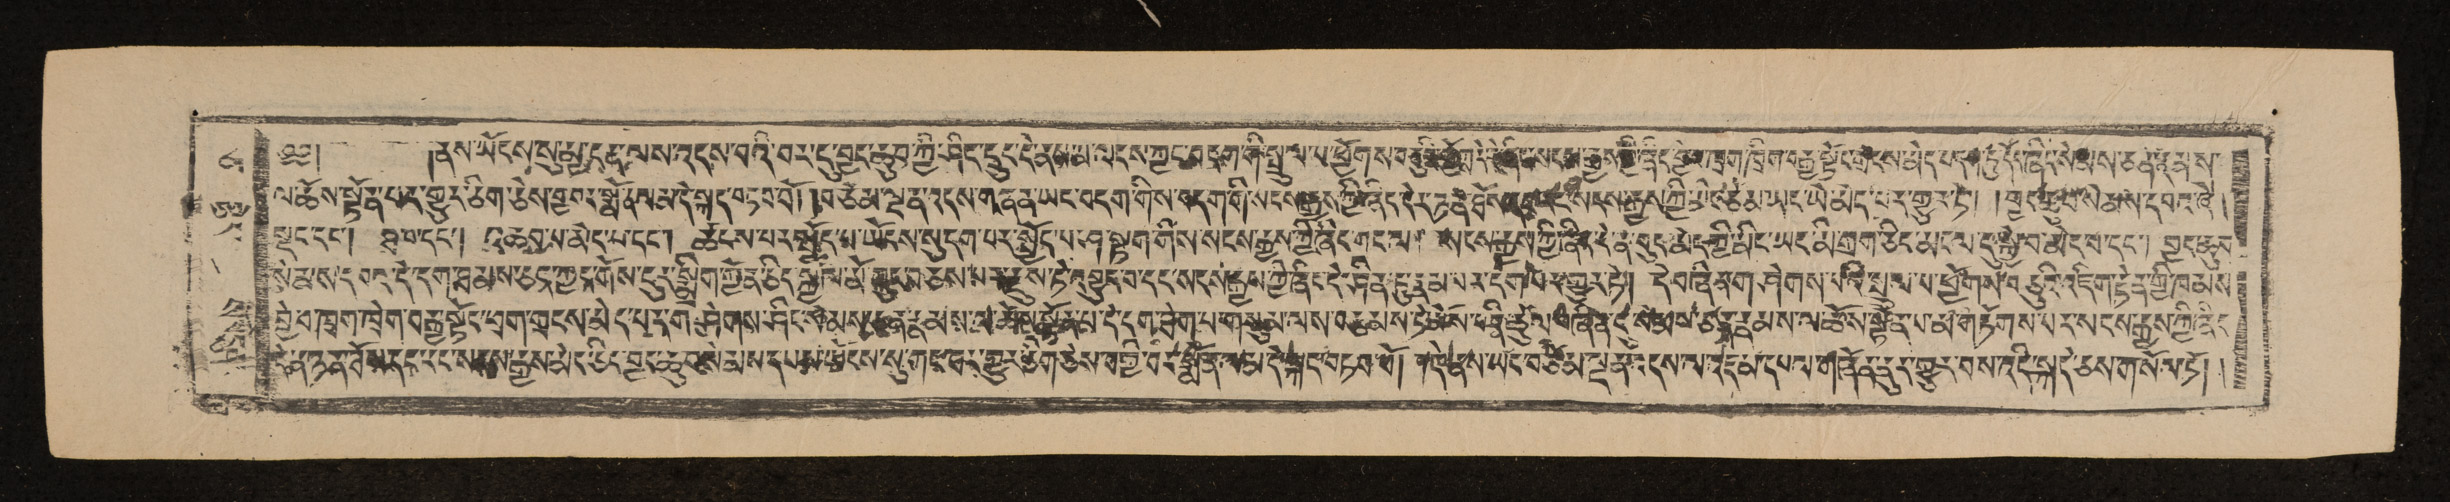༄༅། །ནས་ཡོངས་སུ་མྱ་ངན་ལས་འདས་པའི་བར་དུ་བྱང་ཆུབ་ཀྱི་ཤིང་དྲུང་དེ་ནས་མ་ལངས་ཀྱང་བདག་གི་སྤྲུལ་པ་ཕྱོགས་བཅུའི་ཕྱོགས་རེ་རེ་ཞིང་སངས་རྒྱས་ཀྱི་ཞིང་བྱེ་བ་ཁྲག་ཁྲིག་བརྒྱ་སྟོང་གྲངས་མེད་པ་དག་ཏུ་དོང་ཞིང་སེམས་ཅན་རྣམས་
ལ་ཆོས་སྟོན་པར་གྱུར་ཅིག་ཅེས་བྱ་བར་སྨོན་ལམ་དེ་སྐད་བཏབ་པོ། །བཅོམ་ལྡན་འདས་གཞན་ཡང་བདག་གིས་བདག་གི་སངས་རྒྱས་ཀྱི་ཞིང་དེར་ཉན་ཐོས་དང་རང་སངས་རྒྱས་ཀྱི་མིང་ཙམ་ཡང་ཡེ་མེད་པར་གྱུར་ཏེ། །བྱང་ཆུབ་སེམས་དཔའ་ཞེ་
སྡང་དང་། ཐབ་དང་། འཆབ་པ་མེད་པ་དང་། ཚངས་པར་སྤྱོད་པ་ཡོངས་སུ་དག་པར་སྤྱོད་པ་ཤ་སྟག་གིས་སངས་རྒྱས་ཀྱི་ཞིང་གང་ལ། སངས་རྒྱས་ཀྱི་ཞིང་དེ་ན་བུད་མེད་ཀྱི་མིང་ཡང་མི་གྲག་ཅིང་མངལ་དུ་སྐྱེ་བ་མེད་པ་དང་། བྱང་ཆུབ་
སེམས་དཔའ་དེ་དག་ཐམས་ཅད་ཀྱང་གོས་ངུར་སྨྲིག་བྱོན་ཅིང་སྐྱིལ་མོ་ཀྲུང་བཅས་པར་རྫུས་ཏེ་འབྱུང་བ་དང་སངས་རྒྱས་ཀྱི་ཞིང་དེ་ཤིན་ཏུ་རྣམ་པར་དག་པར་གྱུར་ཏེ། དེ་བཞིན་གཤེགས་པའི་སྤྲུལ་པ་ཕྱོགས་བཅུའི་འཇིག་རྟེན་གྱི་ཁམས་
བྱེ་བ་ཁྲག་ཁྲིག་བརྒྱ་སྟོང་ཕྲག་གྲངས་མེད་པར་གཤེགས་ཤིང་སེམས་ཅན་རྣམས་ལ་ཆོས་སྟོན་པ་དེ་དག་ཐེག་པ་གསུམ་ལས་བརྩམས་ཏེ་མོས་པའི་ཚུལ་བཞིན་དུ་སེམས་ཅན་རྣམས་ལ་ཆོས་སྟོན་པ་མ་གཏོགས་པར་སངས་རྒྱས་ཀྱི་ཞིང་
དེ་ན་ཉན་ཐོས་དང་རང་སངས་རྒྱས་མེད་ཅིང་བྱང་ཆུབ་སེམས་དཔས་ཡོངས་སུ་གང་བར་གྱུར་ཅིག་ཅེས་བགྱི་བར་སྨོན་ལམ་དེ་སྐད་བཏབ་པོ། །དེ་ནས་ཡང་བཅོམ་ལྡན་འདས་ལ་འཇམ་དཔལ་གཞོན་ནུར་གྱུར་པས་འདི་སྐད་ཅེས་གསོལ་ཏོ། །